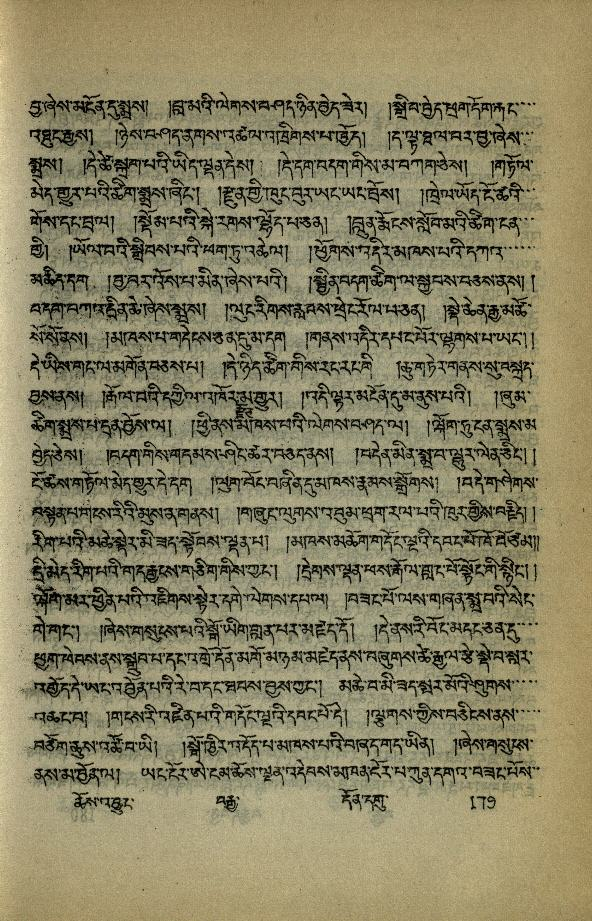བྱ་ཞེས་མངོན་དུ་སྨྲས། །བླ་མའི་ལེགས་བཤད་ཉིན་བྱེད་ཟེར། །སྒྲིབ་བྱེད་ཕྲག་དོག་རྐང་
འཐུང་རྒྱས། །ཉེས་བཤད་ནགས་འཚལ་འཁྲིགས་པ་ཁྱོད། །ད་ལྟ་ཐལ་བར་བྱ་ཞེས་
སྨྲས། །དེ་ཚེ་སྐྲག་པའི་ཡིད་ལྡན་དེས། །དེ་དག་བདག་གིས་མ་བཀག་ཅེས། །གཏོལ་
མེད་གྱུར་པའི་ཚིག་སྨྲས་ཞིང་། །རྫུན་གྱི་ཁུང་བུར་ཡང་ཡང་བྲོས། །ཁྲེལ་ཡོད་ངོ་ཚའི་
གོས་དང་བྲལ། །སྡོམ་པའི་སྐེ་རགས་ལྷོད་པ་ཅན། །བླུན་རྨོངས་སློབ་མའི་ཚིག་ངན་
གྱི། །ཡོལ་བའི་སྒྲིབས་པའི་ཕག་ཏུ་འཆེལ། །ཕྱོགས་འདིར་མཁས་པའི་དཀའ་
མཆིད་དག །བྱ་བར་འོས་པ་མིན་ཞེས་པའི། །སྦྱིན་བདག་ཚིག་ལ་སྐྱབས་བཅས་ནས། །
བདག་བཀའ་དྲིན་ཆེ་ཞེས་སྨྲས། །ལུང་རིགས་རླབས་ཕྲེང་རོལ་པ་ཅན། །སྡེ་ཆེན་རྒྱ་མཚོ་
སོ་སོ་ནས། །མཁས་པ་གདེངས་ཅན་དུ་མ་དག །གནས་འདིར་དཔང་པོར་ལྷགས་པ་ཡང་། །
དེ་ཡིས་གང་ལ་མགོན་བཅས་པ། །དེ་ཉིད་ཚིག་གིས་རང་རང་གི །ཆུ་གཏེར་གནས་སུ་བསྐྲད་
བྱས་ནས། །རྒོལ་བའི་དཀྱིལ་འཁོར་རྫོཊ་མ་གྱུར། །འདི་ལྟར་མངོན་དུ་མ་ནུས་པའི། །ཞུམ་
ཚིག་སྨྲས་པ་དྲན་བྱོས་ལ། །ཕྱི་ནས་མཁས་པའི་ལེགས་བཤད་ལ། །ལྐོག་ཏུ་ངན་སྨྲས་མ་
བྱེད་ཅེས། །བདག་གིས་གདམས་ཤིང་ཚར་བཅད་ནས། །བདེན་མིན་སྨྲ་བ་ལྷུར་ལེན་ཅིང་། །
ངོ་ཚས་གཏོལ་མེད་གྱུར་དེ་དག །ལུག་བོང་བཞིན་དུ་མཁས་རྣམས་སྒྲོགས། །བདེ་གཤེགས་
བསྟན་པ་གངས་རིའི་མུས་ན་གནས། །གཞུང་ལུགས་འབུམ་ཕྲག་རལ་པའི་ཁུར་གྱིས་བརྗིད། །
རིག་པའི་མཆེ་སྡེར་མི་ཟད་སྟོབས་ལྡན་པ། །མཁས་མཆོག་གདོང་ལྔའི་དབང་པོ་ཁོ་བོ་ཙམ།།
དྲི་མེད་རིག་པའི་གད་རྒྱངས་གཅིག་གིས་ཀྱང་། །དྲེགས་ལྡན་ཕས་རྒོལ་གླང་པོ་སྟོང་གི་སྙིང་། །
ལྐོག་མར་ཕྱིན་པའི་འཇིགས་སྟེར་དགེ་ལེགས་དཔལ། །བཟང་པོ་ལས་གཞན་སྨྲ་བའི་སེང་
གེ་གང་། །ཞེས་གསུངས་པའི་སྒོ་ཡིག་གླན་པར་མཛད་དོ། །དེ་ནས་རི་བོང་མདང་ཅན་དུ་
ཕྱག་ཕེབས་ནས་སྒྲུབ་པ་དང་འགྲོ་དོན་མགོ་མཉམ་མཛད་ནས་བཞུགས་ཚེ་རྒྱལ་རྩེ་སྡེ་བ་སླར་
འགྱོད་དེ་ཡང་འབྱོན་པའི་རེ་བ་དང་ཐབས་བྱས་ཀྱང་། མཆེ་བ་མི་ཟད་སྤར་མོའི་ཤུགས་
འཆང་བ། །གངས་རི་འཛིན་པའི་གདོང་ལྔའི་དབང་པོ་དེ། །ལྕགས་ཀྱིས་བཅིངས་ནས་
བཙོག་ཆུས་འཚོ་བ་ཡི། །སྒོ་ཁྱིར་འདོད་པ་མཁས་པའི་བཞད་གད་ཡིན། །ཞེས་གསུངས་
ནས་མ་བྱོན་ལ། ཡང་ངོར་ཨེ་ངམ་ཆོས་ལྡན་འདེབས་མཁན་ངོར་པ་ཀུན་དགའ་བཟང་པོས་